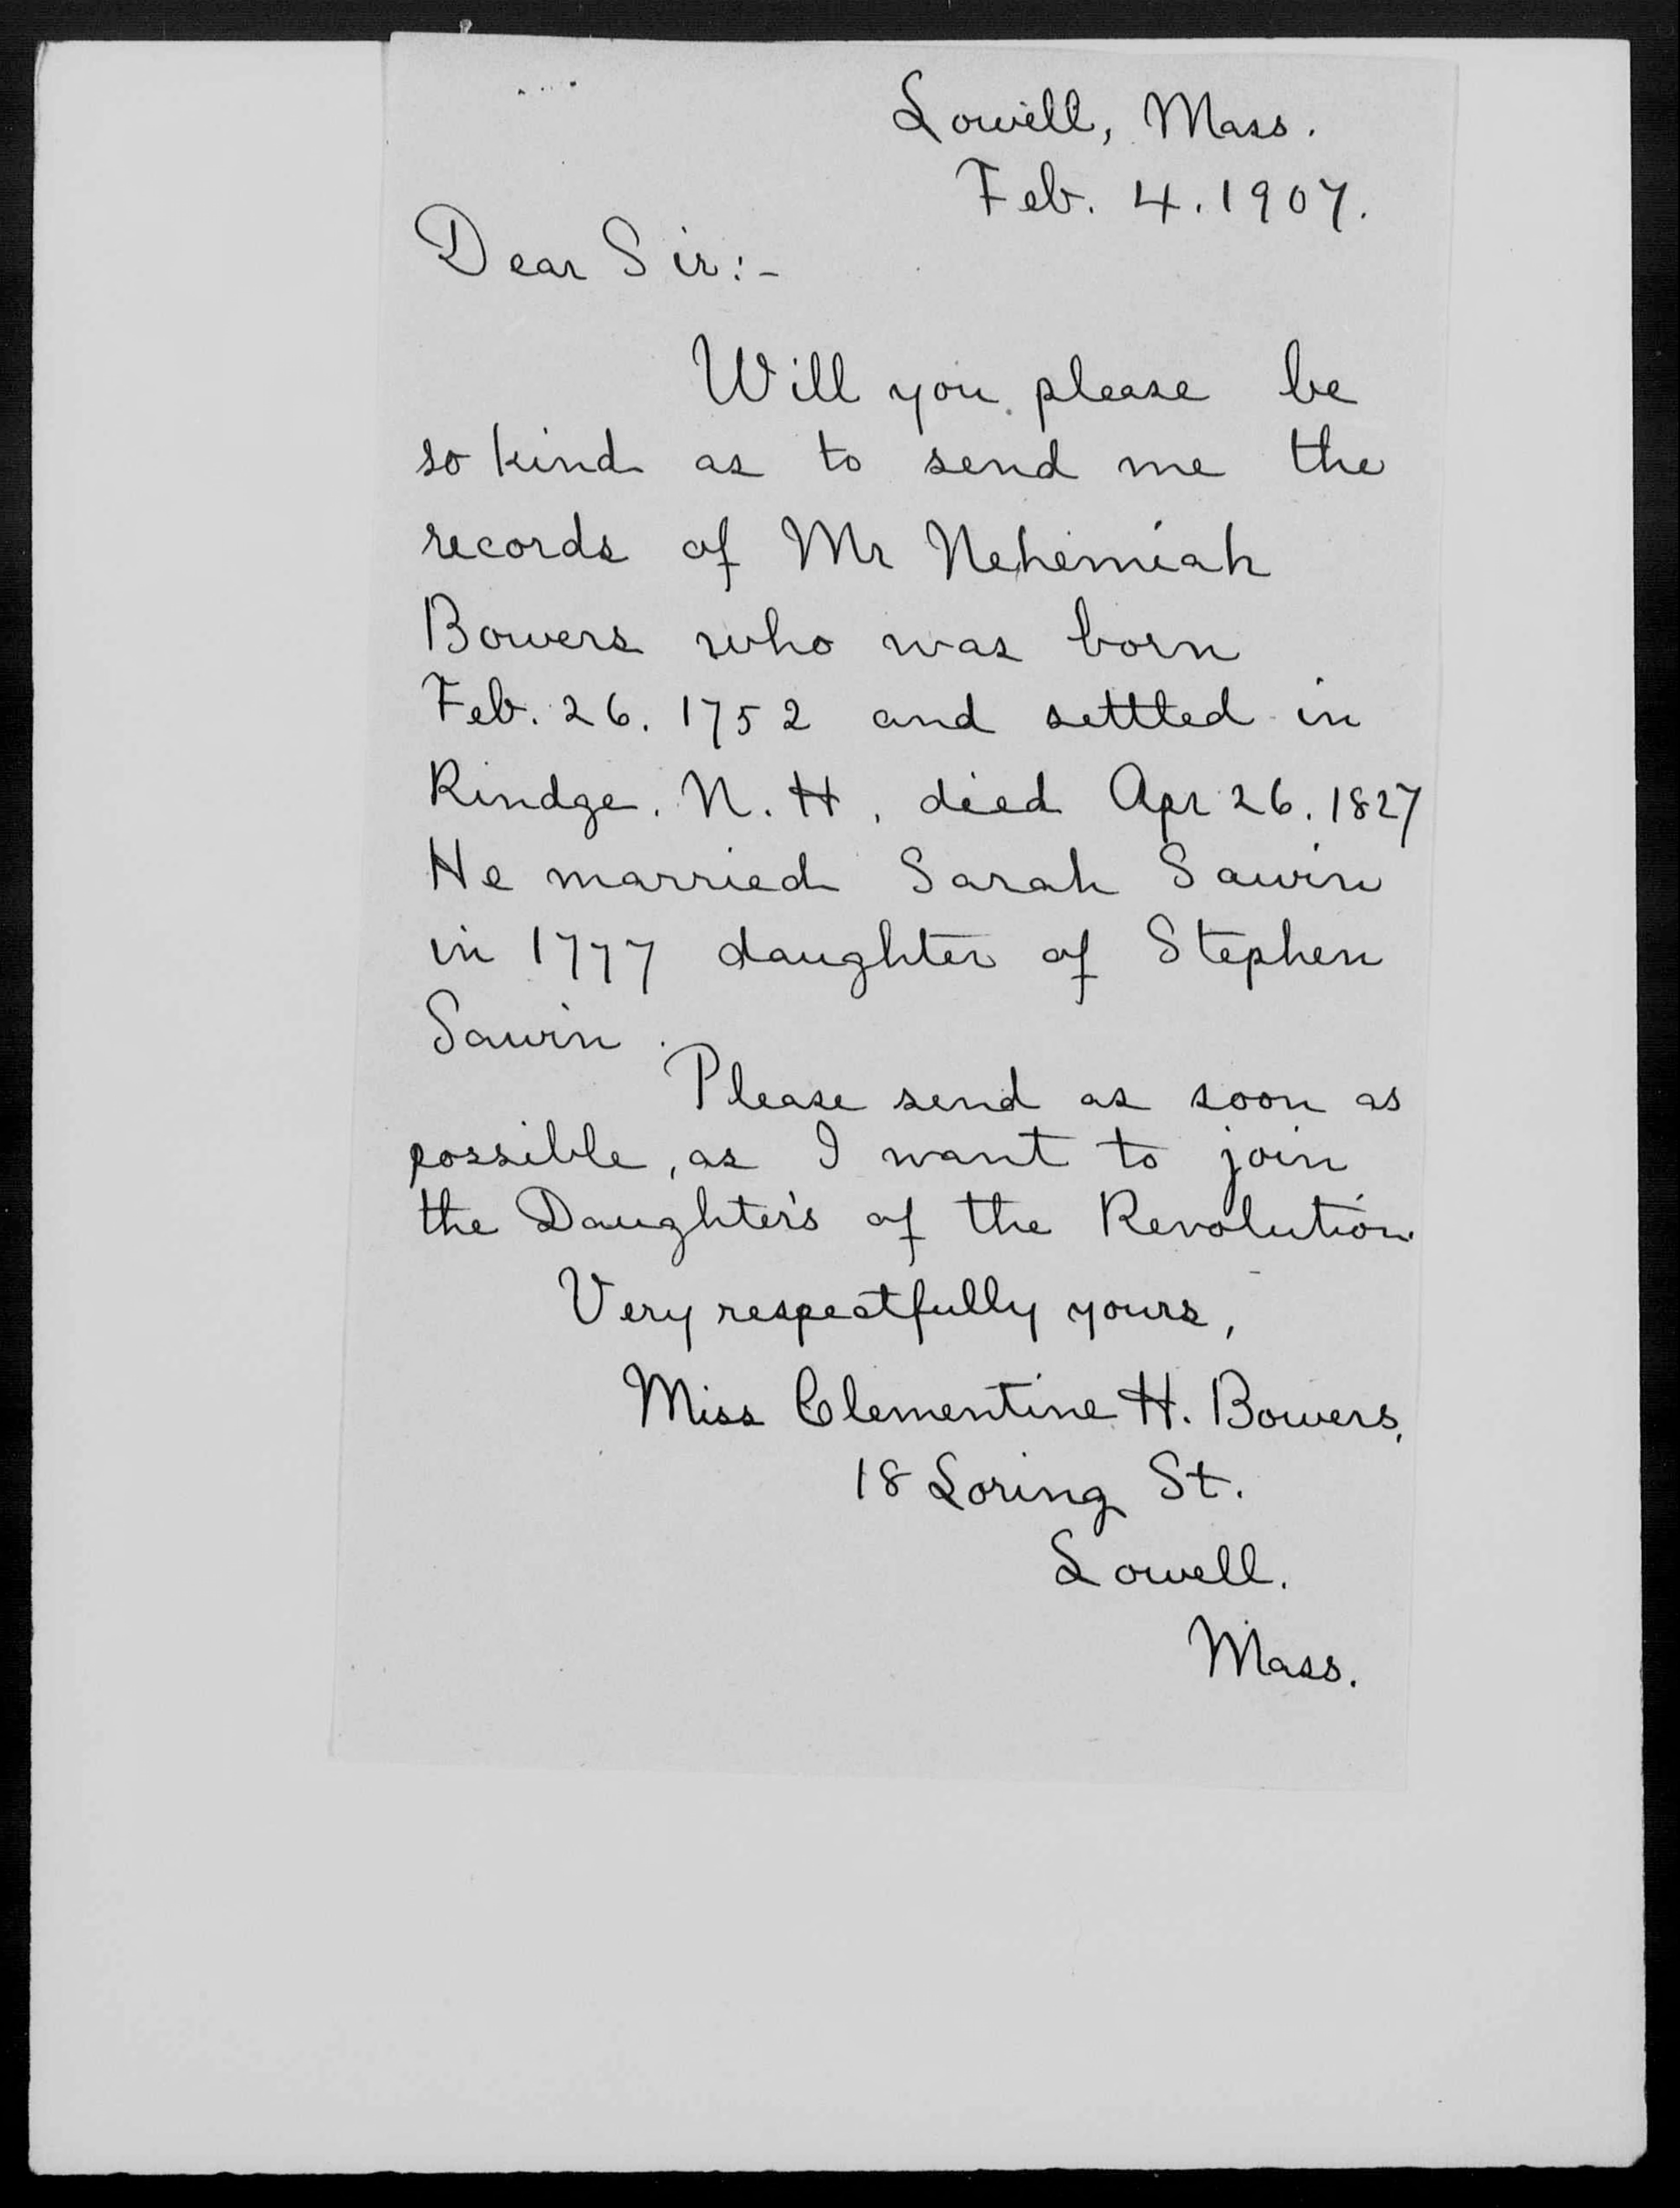Lowell, Mass
Feb. 4, 1907.
Dear Sir:-
Will you please be
so kind as to send me the
records of Mr Nehemiah
Bowers who was born
Feb. 26. 1752 and settled in
Rindge, N.H. died Apr 26, 1827
He married Sarah Sawin
in 1777 daughter of Stephen
Sawin.
Please send as soon as
possible, as I want to join
the Daughter's of the Revolution.
Very respectfully yours,
Miss Clementine H. Bowers,
18 Loring St
Lowell,
Mass.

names: Stephen Sawin, Nehemiah Bowers, Clementine H Bowers, Sarah Sawin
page: 16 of 42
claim: widow's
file: W. 23,652, Nehemiah Bowers, Mass.